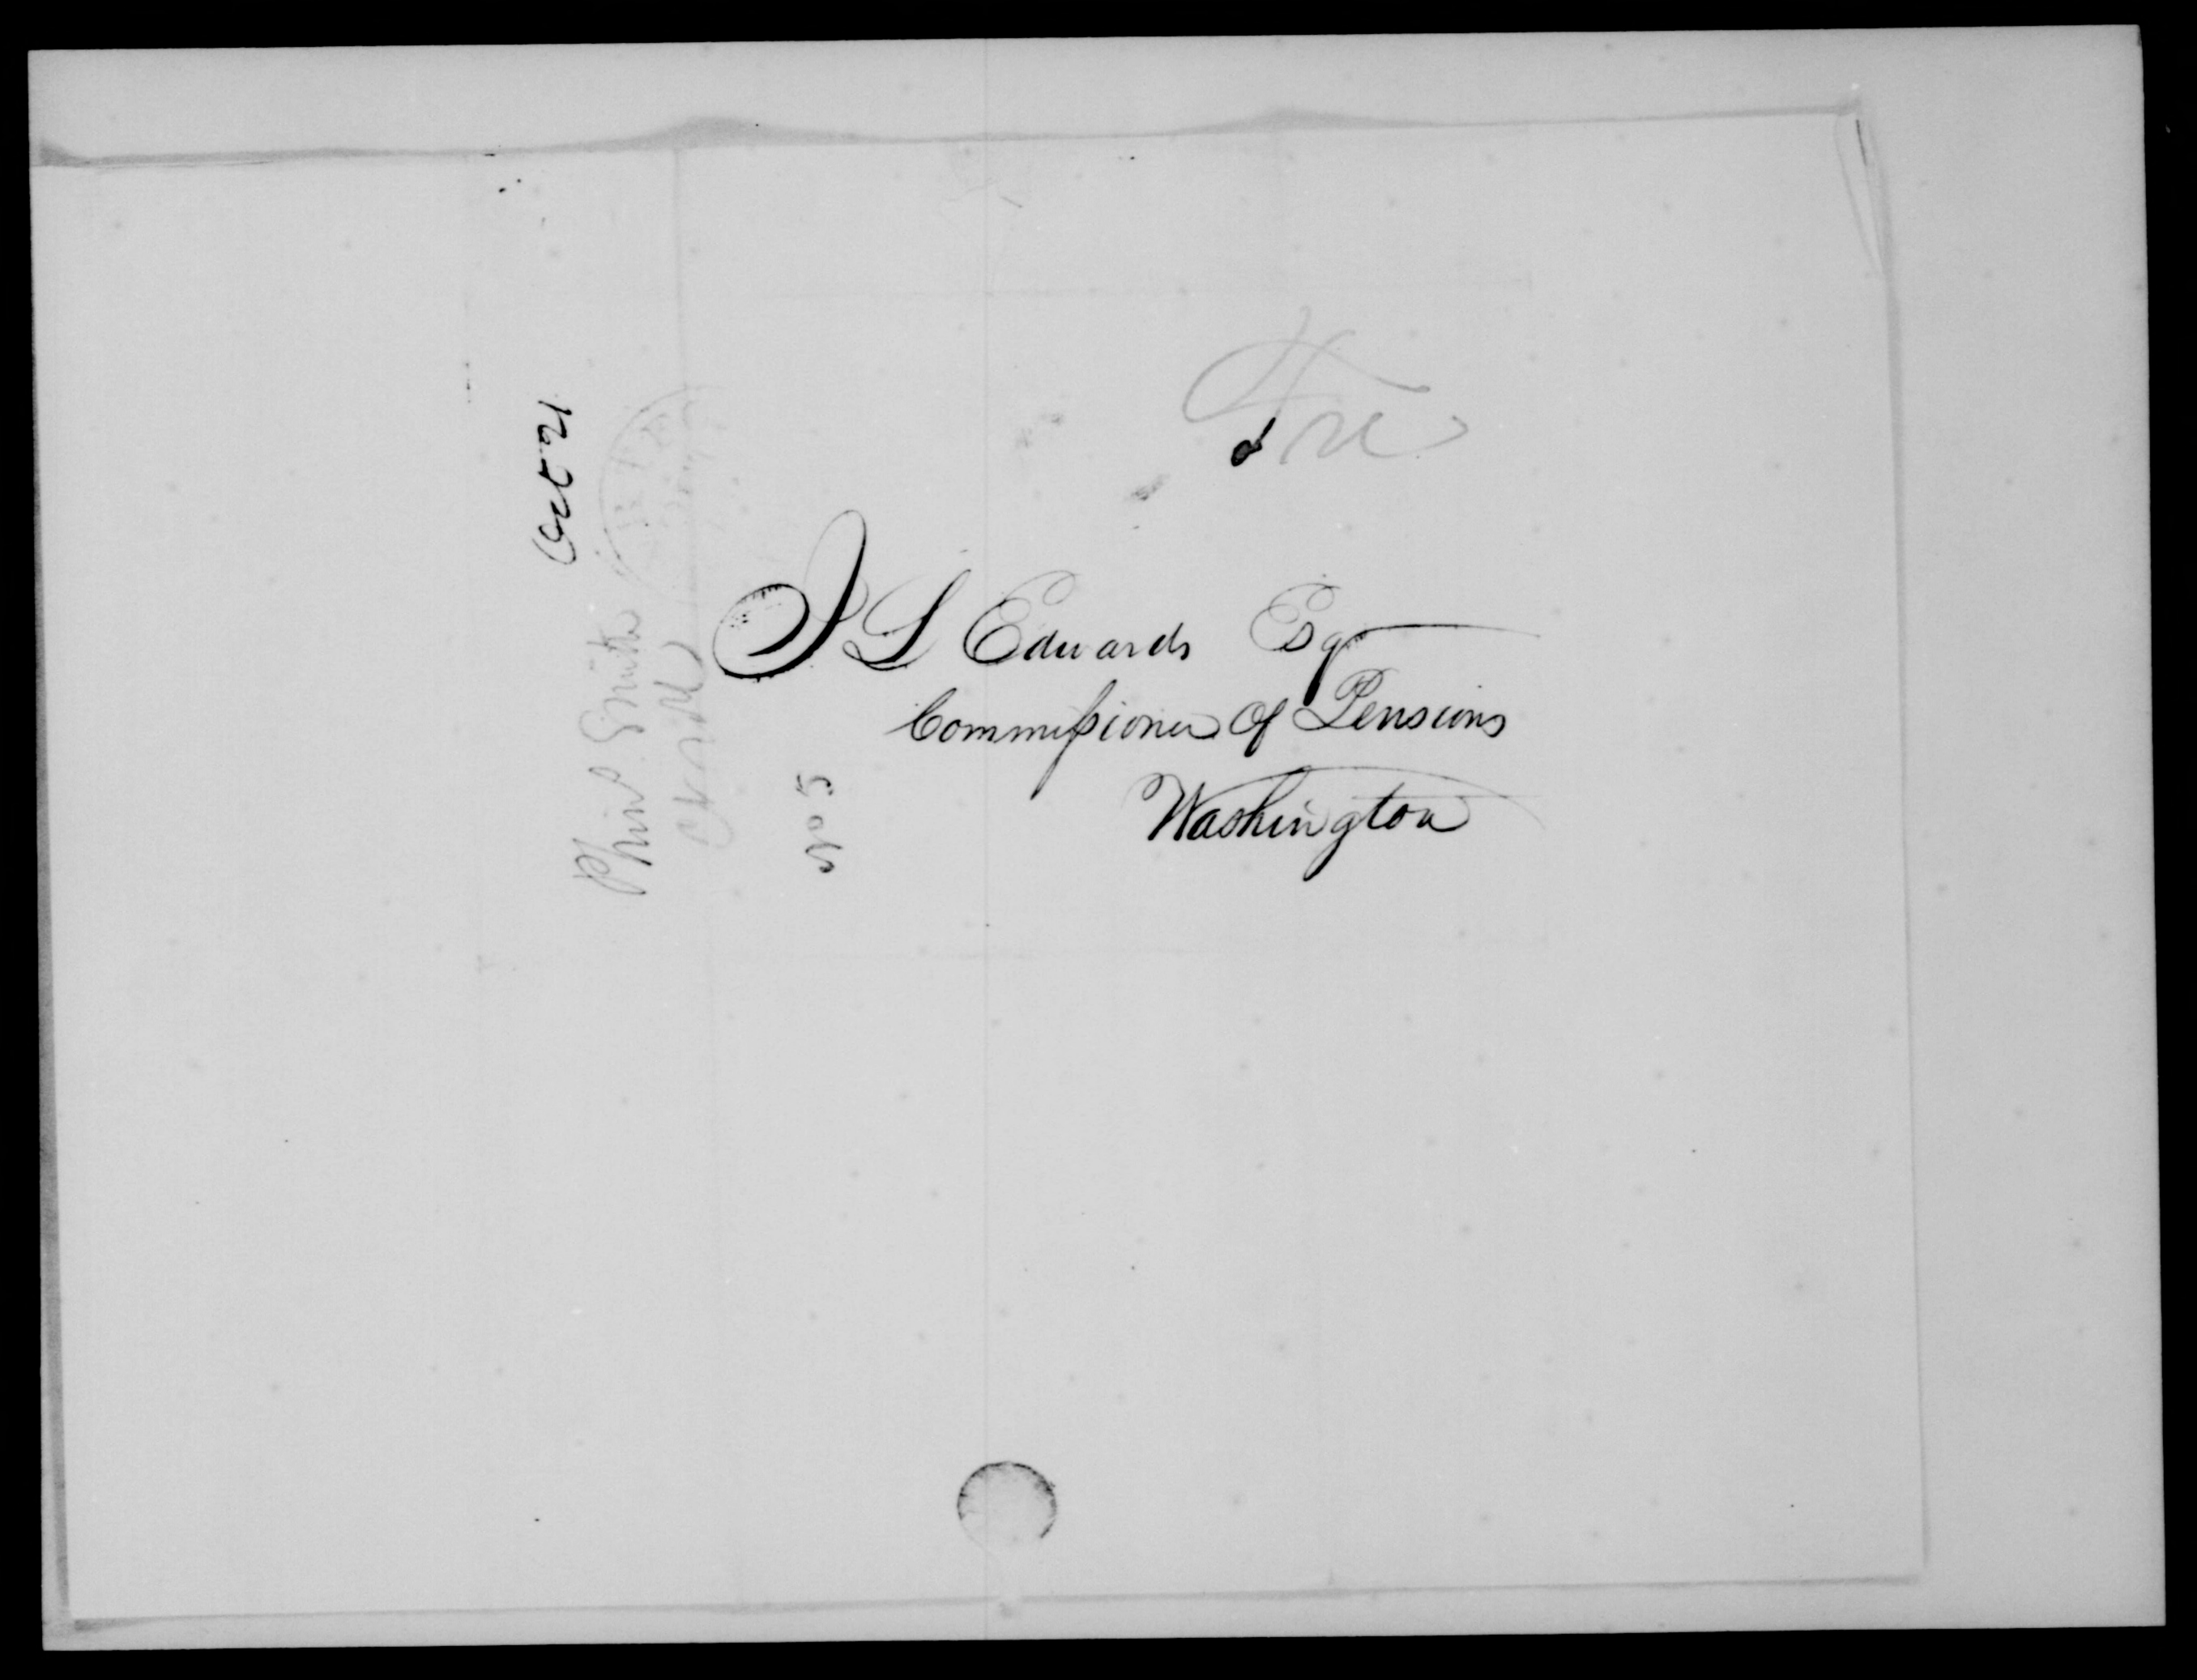Oct 21
Phin’s Smith
Conn
No 5
Free
J L. Edwards Esqr  
Commissioner of Pensions  
Washington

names: J L Edwards; Phins Smith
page: 37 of 55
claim: widow's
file: W. 11480, for Phinehas Smith, Connecticut